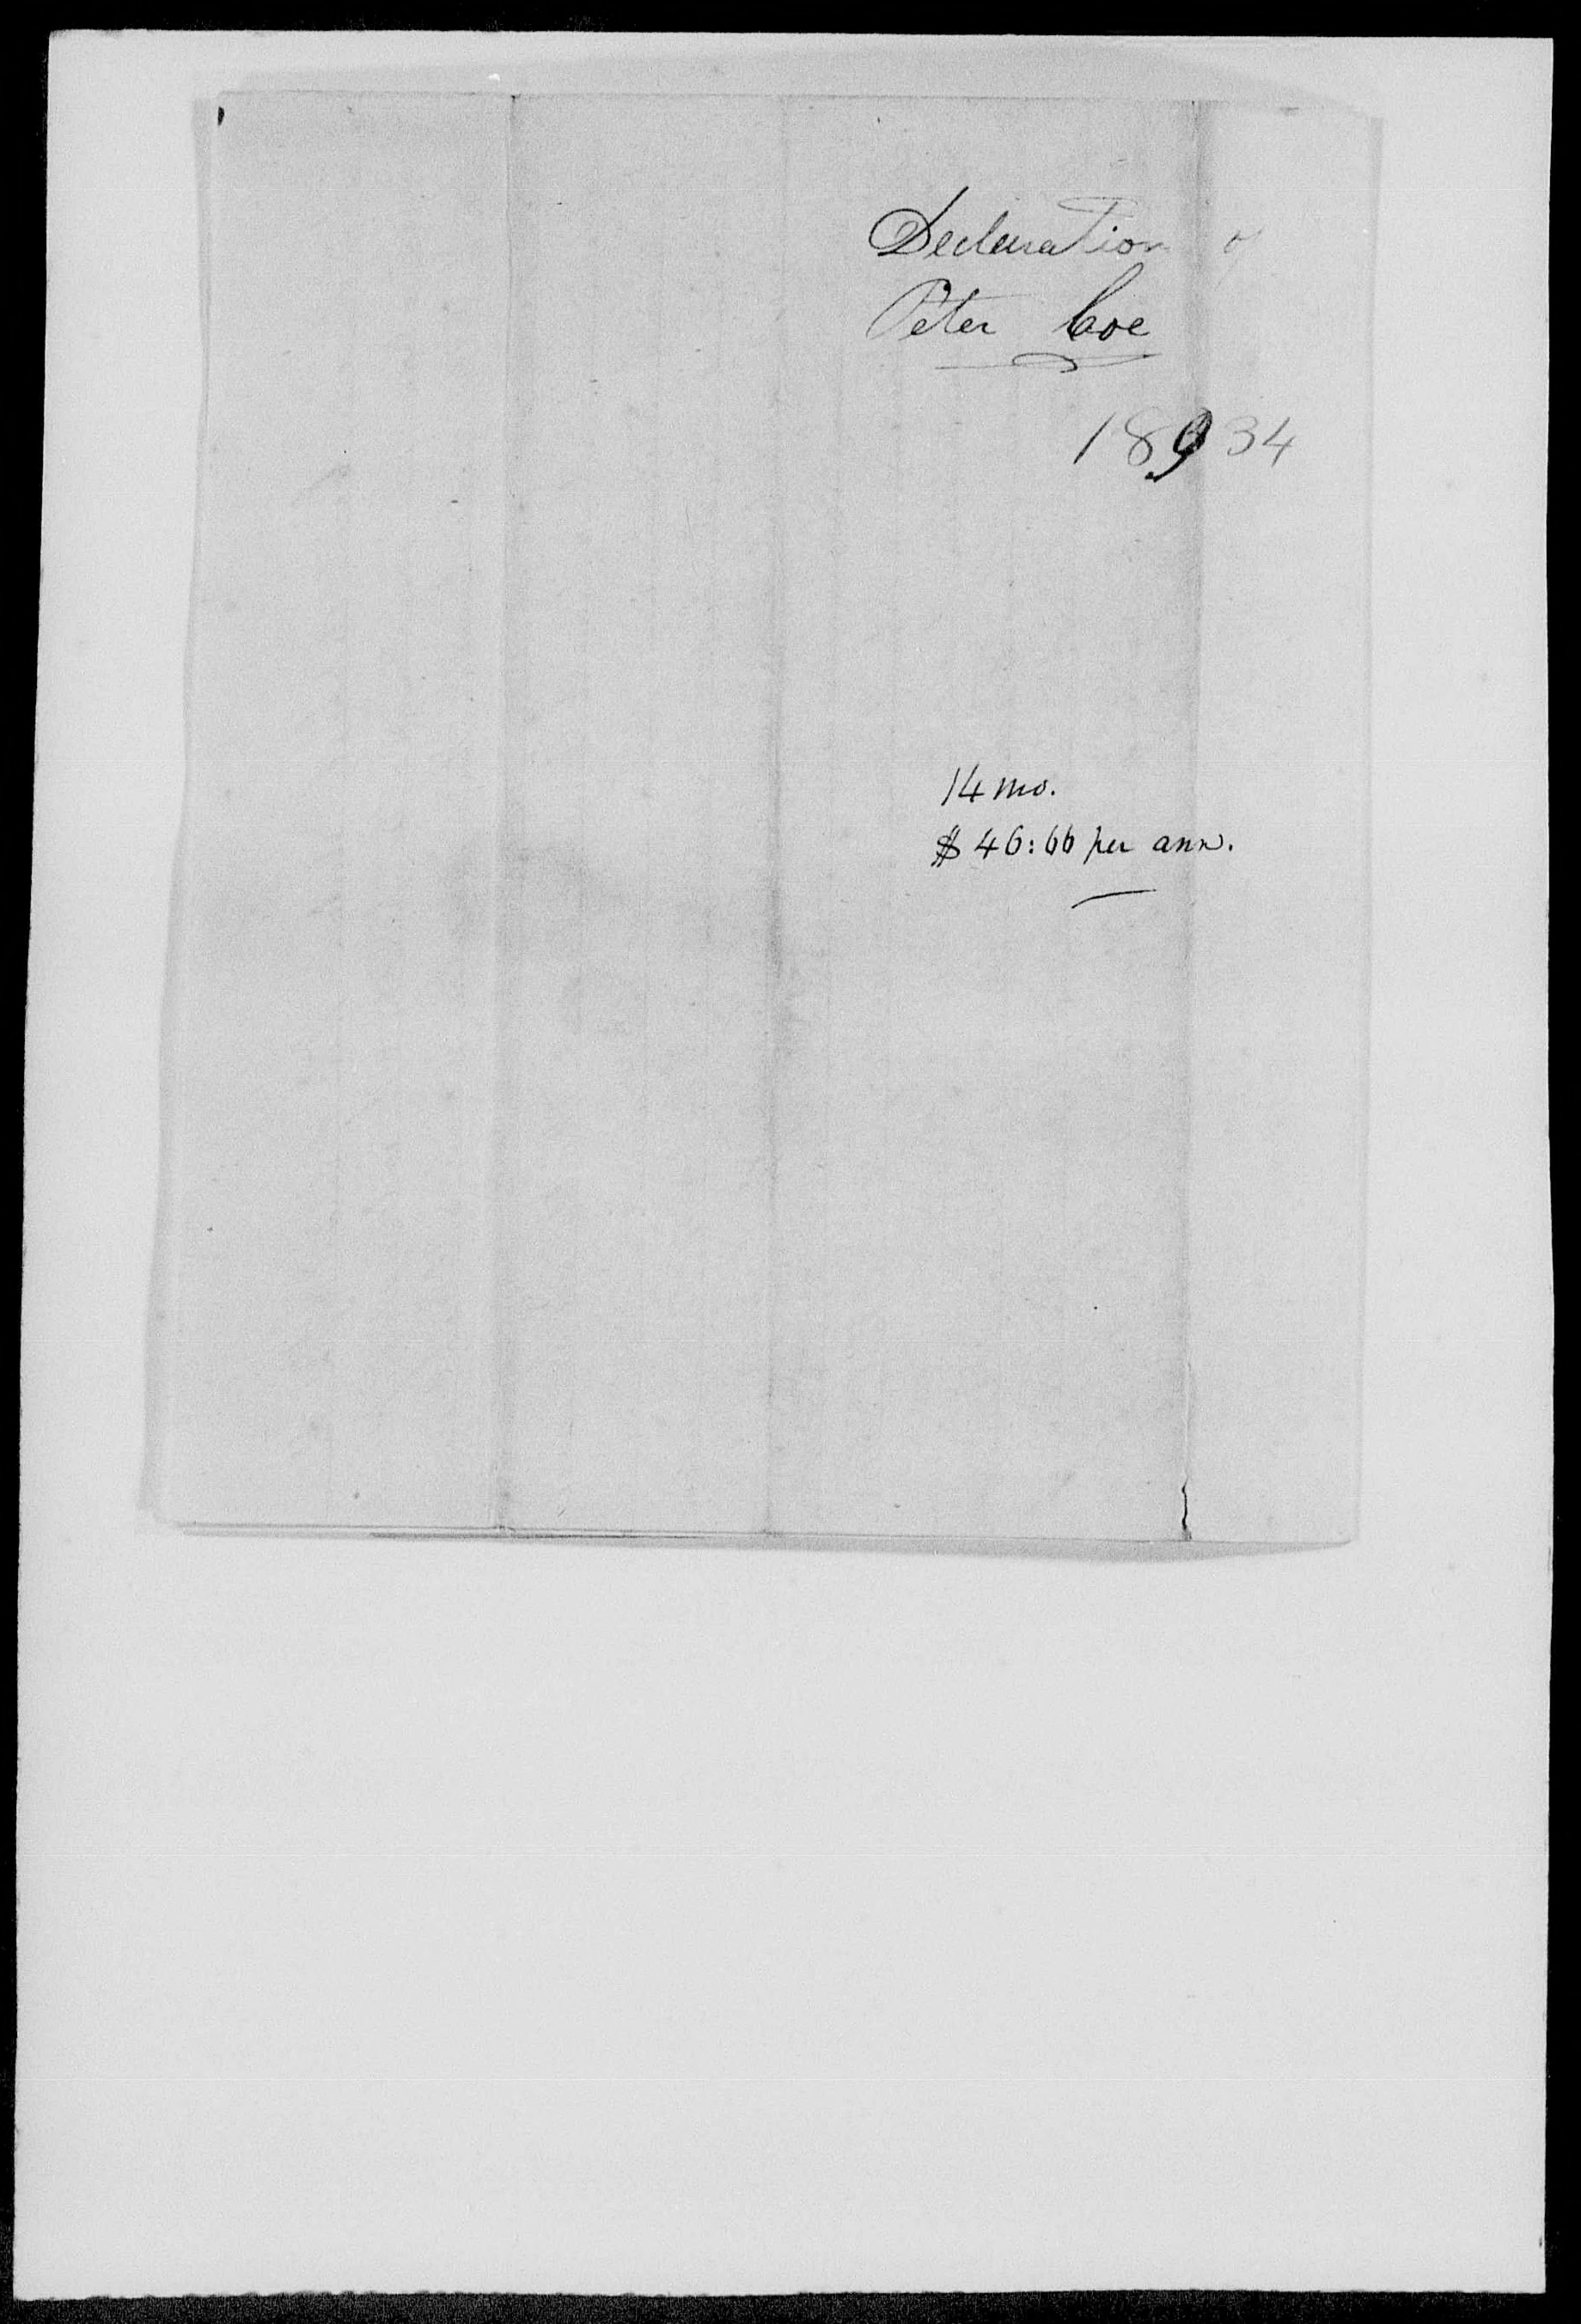Declaration of Peter Coe
18934

14 mo.
$46:66 per ann.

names: Peter Coe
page: 3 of 23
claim: survivor's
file: S. 3167, Peter Coe, New Jersey Penn.